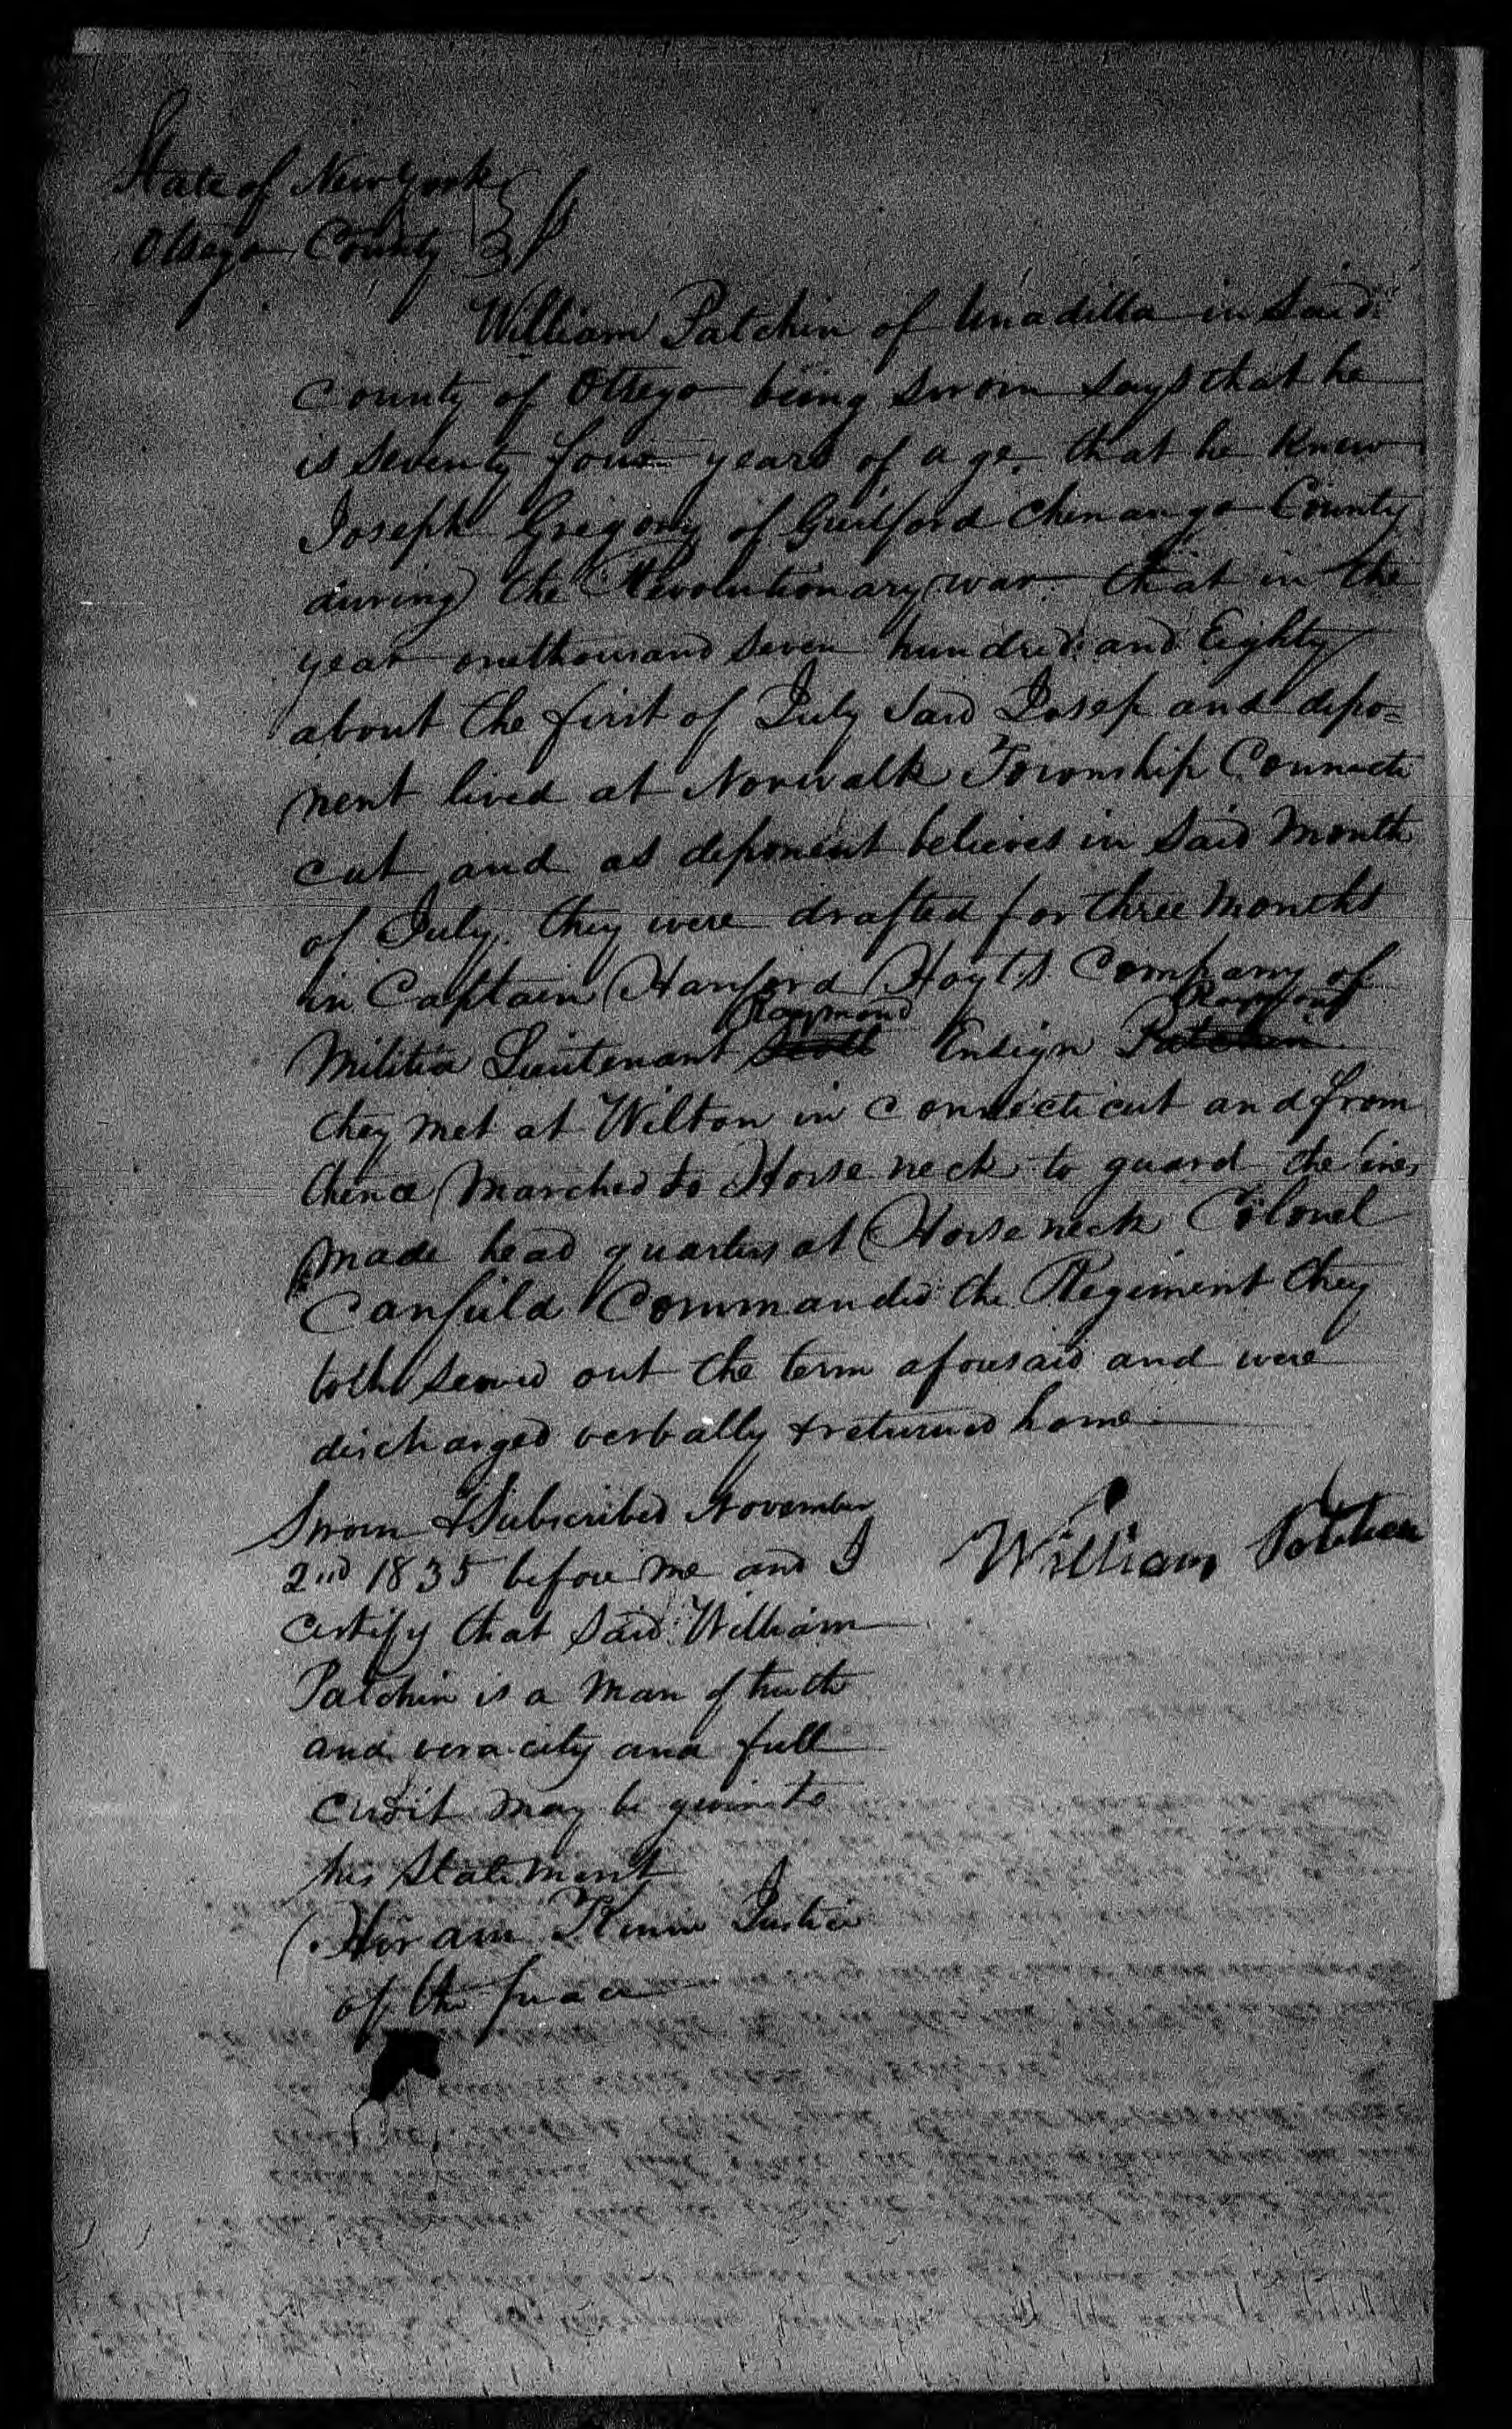[handwritten]

State of New York
Otsego County SS
William Patchin of Unadilla in Said
County of Otsego being sworn says that he
is seventy four years of age. that he knew
Joseph Gregory of Guilford Chenango County
during the Revolutionary war. that in the
year one thousand seven hundred and Eighty
about the first of July said Joseph and deponent lived at Norwalk Township Connecticut and as deponent believes in said month of July they were drafted for three months in Captain Hanford Hoyts company of
Militia Lieutenant  Raymond Ensign Raymond

they met at Wilton in Connecticut and from
thence marched to Horseneck to guard the lines
made head quarters at Horseneck   Colonel
Canfield commanded the Regiment they
both served out the term aforesaid and were
discharged verbally & returned home
[signed] William Patchin
Sworn & Subscribed November
2nd 1835 before me and I
certify that said William
Patchin is a man of truth
and veracity and full
Credit may be given to
his statement
[signed] Hiram Kinne Justice
of the Peace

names: Josep, William Patchin, William Patchin, Hiram Kinne, Joseph Gregory, William Patchin, Raymond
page: 33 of 34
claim: widow's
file: W. 1596, Joseph Gregory, Conn.